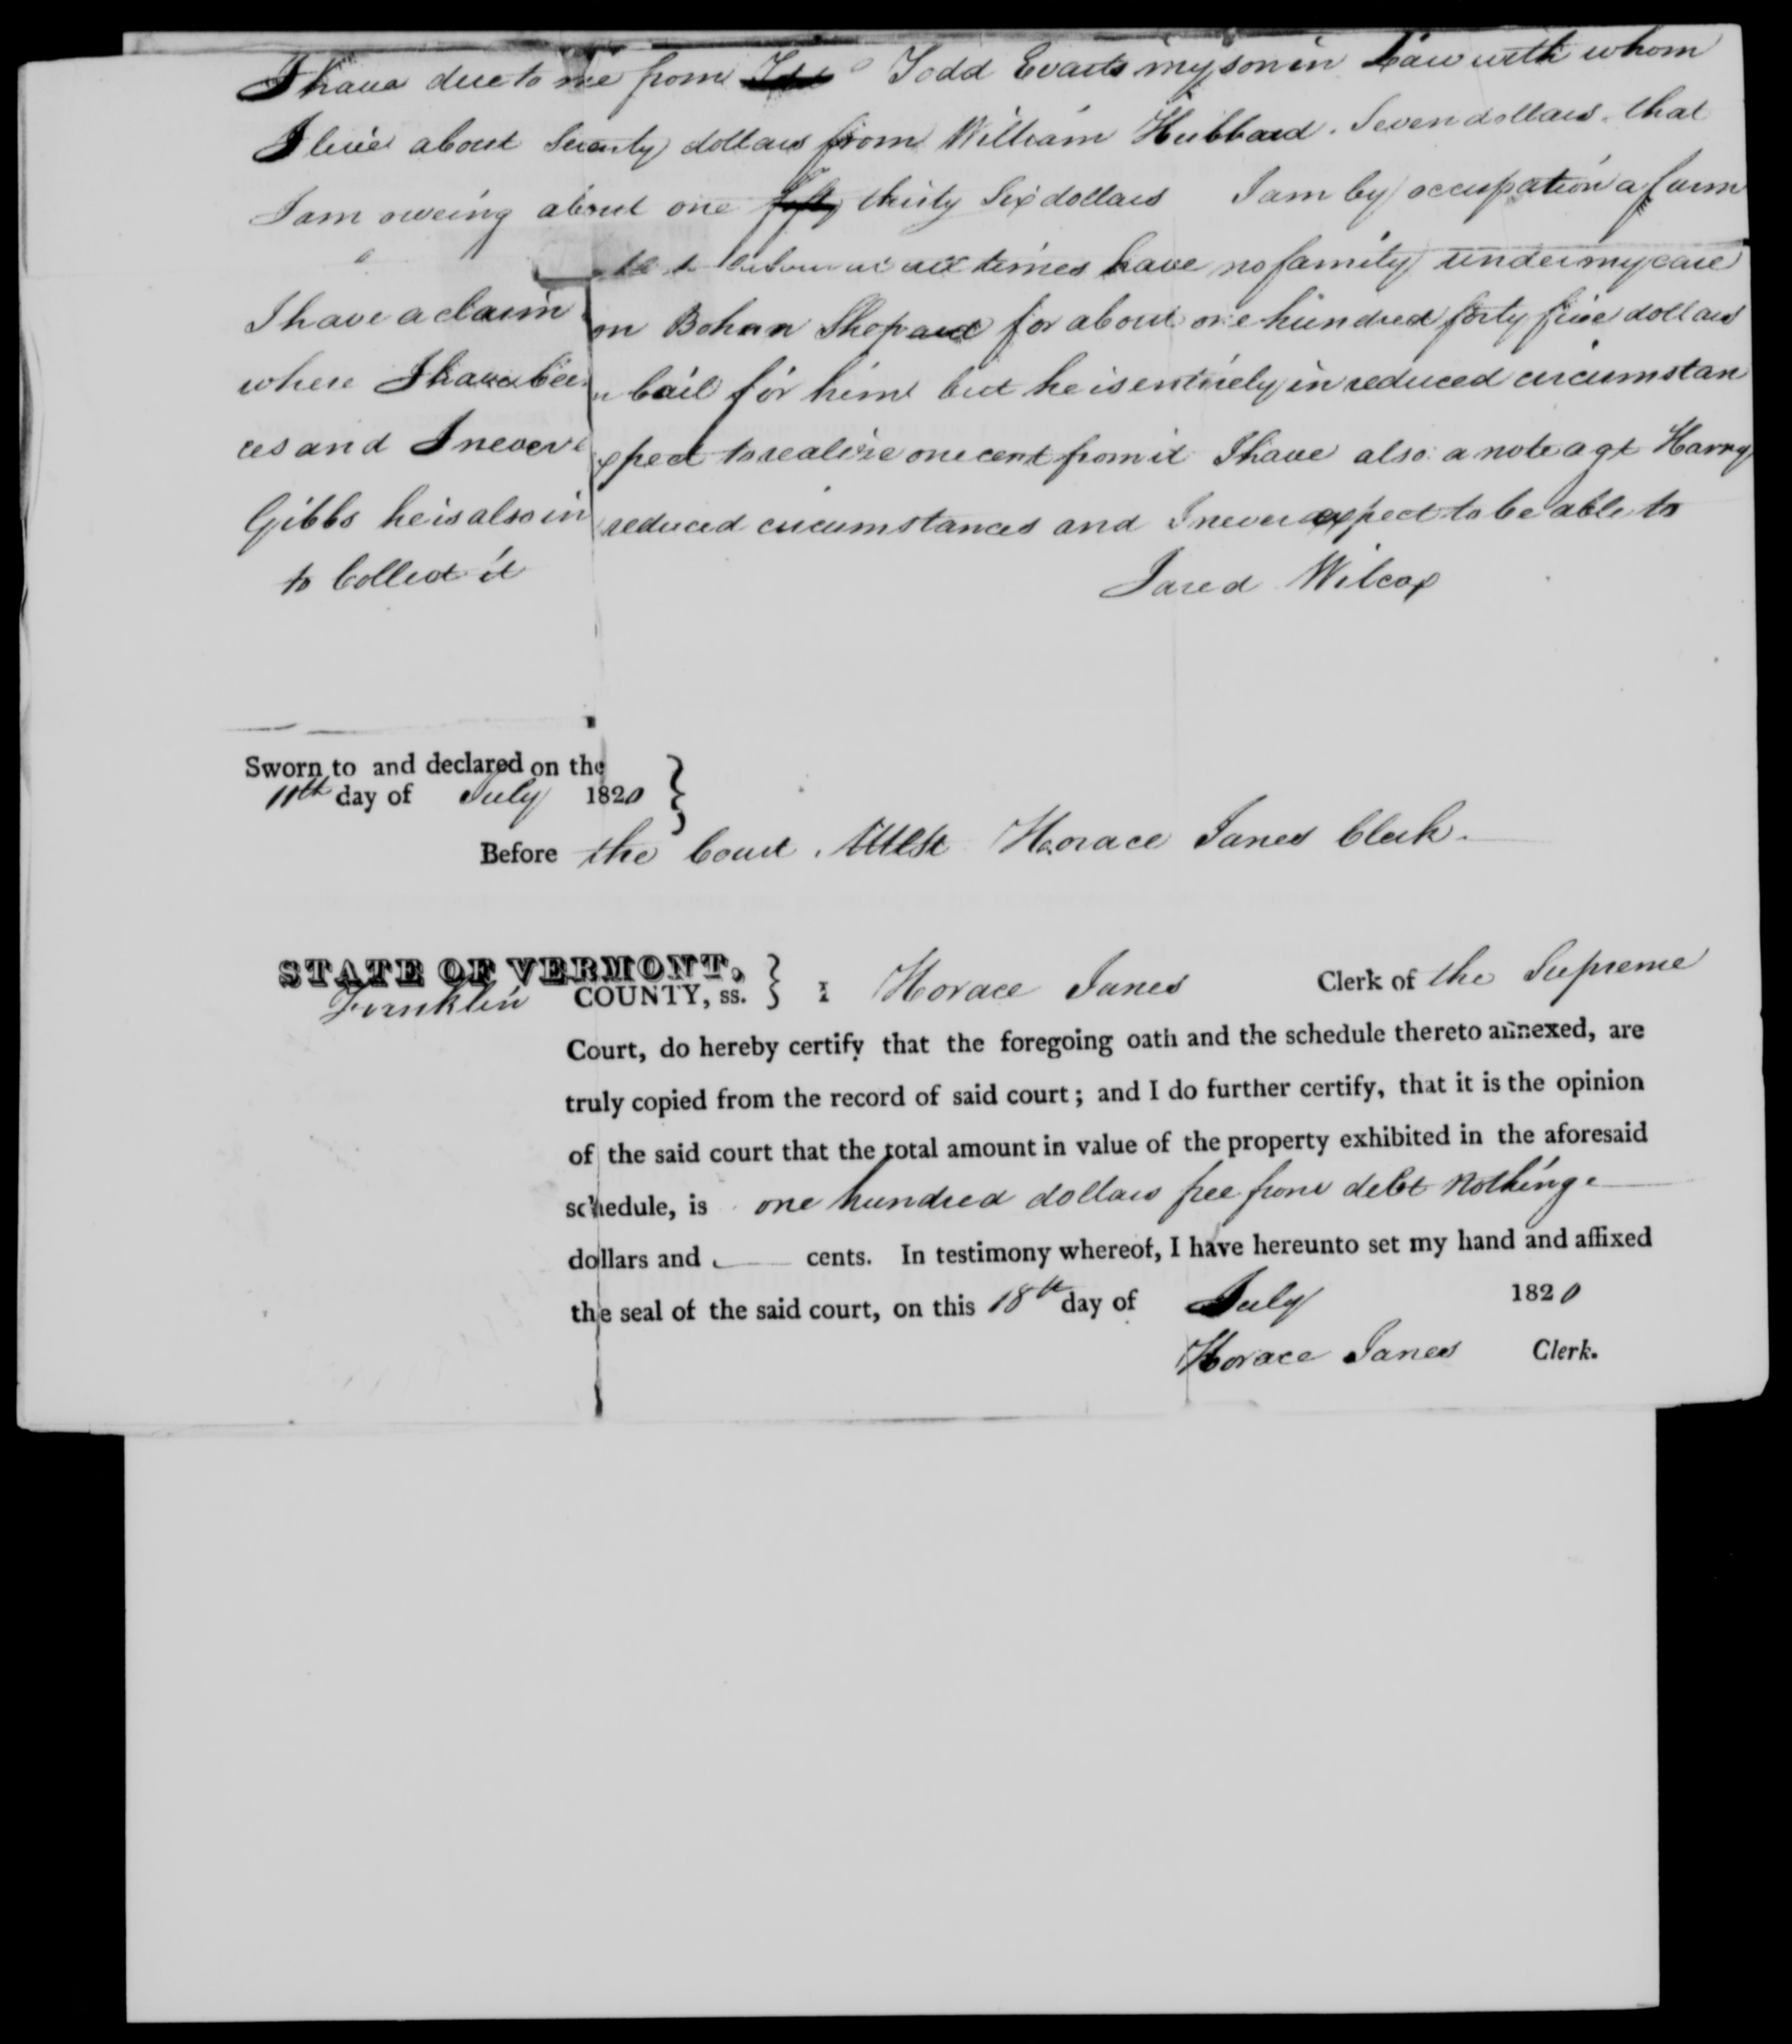I have due to me from Todd Evarts my son in law with whom
I lived about seventy dollars from William Hubbard. Seven dollars that
I am owing about on (fifty = crossed out) thirty Six dollars  I am by occupation a farmer
(illegible) to labour [labor] at all time have no family under my care
I have a claim on Bohan Shepard for about one hundred forty five dollars 
when I have been bail for him but he is entirely in reduced circumstances
and I never expect to realize one cent from it  I have also a note agt Harry
Gibbs  he is also in reduced circumstances and I never expect to be able to
to [sic] Collect it   
Jared Wilcox  (signature)


Sworn to and declared on the }
11th day of July 1820 }

Before the Court (illegible word crossed out) Horace Janes Clerk

STATE OF VERMONT, }
Franklin COUNTY, ss. }  Horace Janes  Clerk of the Supreme
Court, do hereby certify that the foregoing oath and the schedule thereto annexed, are
truly copied from the record of said court; and I do further certify, that it is the opinion
of the said court that the total amount in value of the property exhibited in the aforesaid
schedule, is one hundred dollars free from debt nothing.
dollars and --- cents.  In testimony whereof, I have hereunto set my hand and affixed
the seal of the said court, on this 18th day of July 1820
Horace Janes (signature)  Clerk.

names: Jared Wilcox, Horace Janes, Todd Evarts, William Hubbard, Harry Gibbs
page: 5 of 34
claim: survivor's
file: S. 41337, Jared Wilcox, Continental Mass.